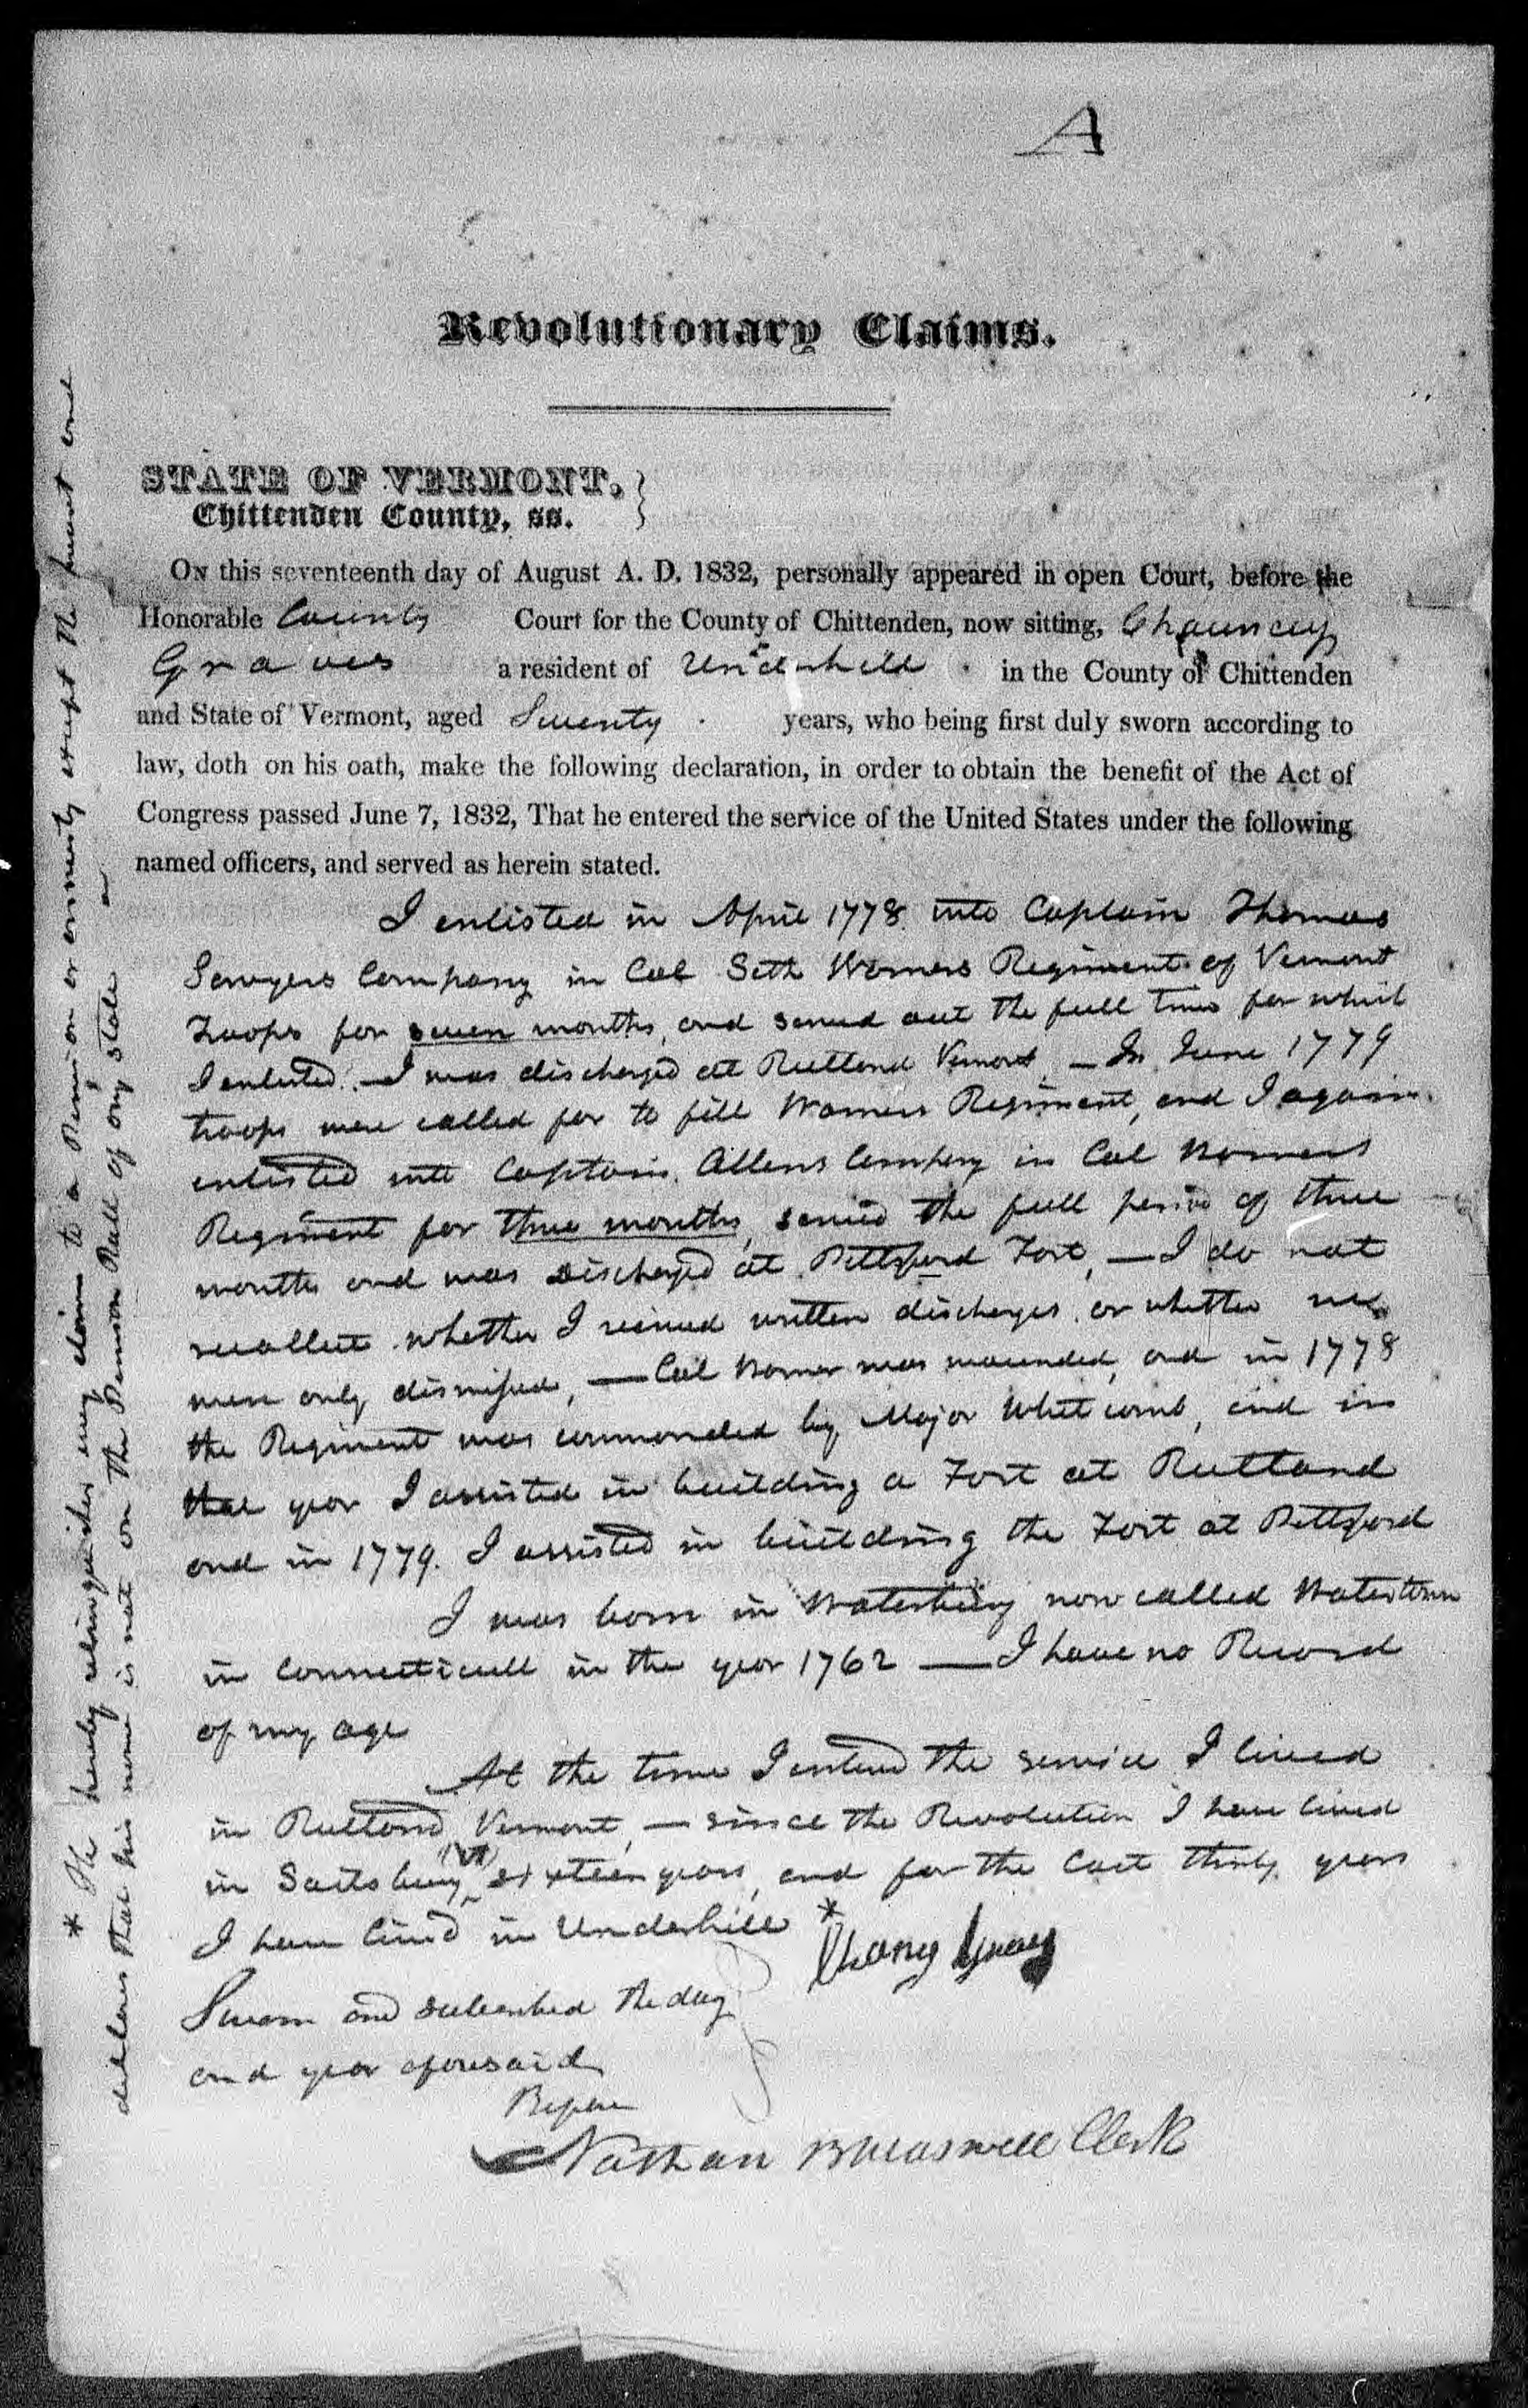A
Revolutionary Claims

State of Vermont
Chittenden County  ??

On this seventeenth day of August A. D. 1832, personally appeared in open Court. before the Honorable County Court for the County of Chittenden, now sitting Chauncey Graves a resident of Underhill in the County of Chittenden and State of Vermont, aged Seventy years who being first duly sworn according to law, doth on his oath make the following declaration, in order to obtain the benefit of the Act of Congress passed June 7, 1832, that he entered the service of the United States under the following named officers, and served as herein stated.

I enlisted in April 1778 into Captain Thomas Sawyers Company in Col. Seth Warners Regiment of Vermont Troops for seven months, and served out the full time for which I enlisted.  I was discharged at Rutland Vermont    In June 1779 troops were called for to fill Warners Regiment and I again enlisted into Captain Allens Company in Col Warners 
Regiment for three months served the full period of three months and was discharged at Pittsford Fort, - I do not recollect whether I received written discharges or whether [illegible] men only dismissed. - Col. Warner  was wounded and in 1778 the regiment was commanded by Major Whitcomb, and in that year I assisted in building a fort at Rutland and in 1779 I assisted in building the fort at Pittsford

I was born in Waterbury now called Watertown Connecticut in the year 1762 - I have no record of my age

At the time I entered the service I lived in Rutland, Vermont - Since the Revolution I have lived in Salisbury VT sixteen years and for the last thirty years I have lived in Underhill*

Chany Graves
Sworn and subscribed  the day and year aforesaid Before
Nathan B. Maswell Clerk

[left margin] * He hereby relinquishes every claim to a Pension or annuity except the present and declares that his name is not on the Pension Roll of any state. [/left margin]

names: Nathan B Maswell, Chany Graves, Whitcomb, Chauncey Graves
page: 3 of 24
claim: survivor's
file: S. 15869, Chauncey Graves, Vt.